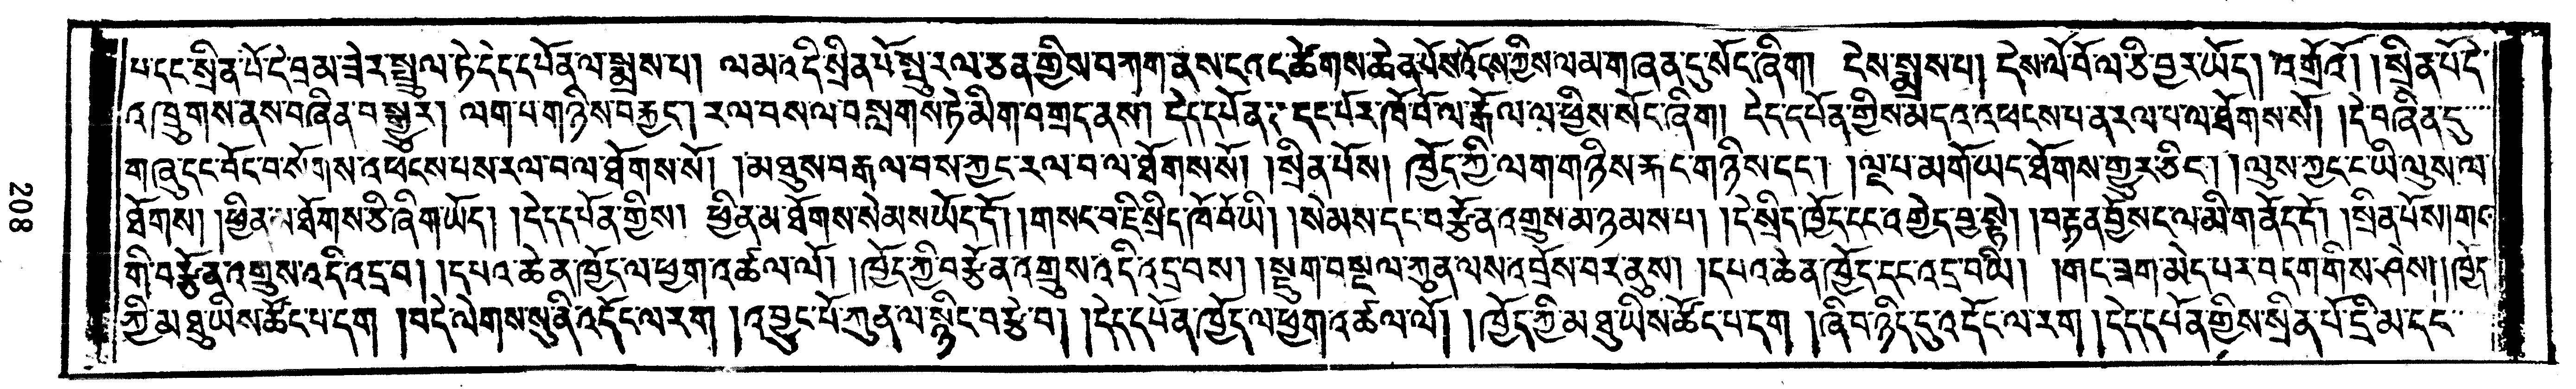པ་དང་སྲིན་པོ་དེ་བྲམ་ཟེར་སྤྲུལ་ཏེ་དེད་དཔོན་ལ་སྨྲས་པ། ལམ་འདི་སྲིན་པོ་སྤུ་རལ་ཅན་གྱིས་བཀག་ནས་ངའང་ཚེགས་ཆེན་པོས་འོངས་ཀྱིས་ལམ་གཞན་དུ་སོང་ཞིག །དེས་སྨྲས་པ། དེས་ལོ་བོ་ལ་ཅི་བྱར་ཡོད། འགྲོའོ། །སྲིན་པོ་དེ་
འཁྲུགས་ནས་བཞིན་བསྒྱུར། ལག་པ་གཉིས་བརྐྱང་། རལ་བས་ལ་བསླགས་ཏེ་མིག་བགྲད་ནས། དེད་དཔོན༑ དང་པོར་ཁོ་བོ་ལ་རྒོལ་ལ་ཕྱིས་སོང་ཞིག །དེད་དཔོན་གྱིས་མདའ་འཕངས་པ་ན་རལ་པ་ལ་ཐོགས་སོ། །དེ་བཞིན་དུ་
གཞུ་དང་བོང་བ་སོགས་འཕངས་པས་རལ་བ་ལ་ཐོགས་སོ། །མཐུས་བརྒལ་བས་ཀྱང་རལ་བ་ལ་ཐོགས་སོ། །སྲིན་པོས། ཁྱོད་ཀྱི་ལག་གཉིས་རྐང་གཉིས་དང་། །ལྔ་པ་མགོ་ཡང་ཐོགས་གྱུར་ཅིང་། །ལུས་ཀྱང་ང་ཡི་ལུས་ལ་
ཐོགས། །ཕྱིན་མ་ཐོགས་ཅི་ཞིག་ཡོད། །དེད་དཔོན་གྱིས། ཕྱིན་མ་ཐོགས་སེམས་ཡོད་དོ། །གསང་བ་ཇི་སྲིད་ཁོ་བོ་ཡི། །སེམས་དང་བརྩོན་འགྲུས་མ་ཉམས་པ། །དེ་སྲིད་ཁྱོད་དང་འགྱེད་བྱ་སྟེ། །བརྟན་བྱོས་ང་ལ་མི་གནོད་དོ། །སྲིན་པོས། གང་
གི་བརྩོན་འགྲུས་འདི་འདྲ་བ། །དཔའ་ཆེན་ཁྱོད་ལ་ཕྱག་འཚལ་ལོ། །ཁྱོད་ཀྱི་བརྩོན་འགྲུས་འདི་འདྲ་བས། །སྡུག་བསྔལ་ཀུན་ལས་འབྲོས་པར་ནུས། །དཔའ་ཆེན་ཁྱོད་དང་འདྲ་བ་ཡི། །གང་ཟག་མེད་པར་བདག་གིས་ཤེས། །ཁྱོད་
ཀྱི་མཐུ་ཡིས་ཚོང་པ་དག །བདེ་ལེགས་སུ་ནི་འདོང་ལ་རག །འབྱུང་པོ་ཀུན་ལ་སྙིང་བརྩེ་བ། །དེད་དཔོན་ཁྱོད་ལ་ཕྱག་འཚལ་ལོ། །ཁྱོད་ཀྱི་མཐུ་ཡིས་ཚོང་པ་དག །ཞི་བ་ཉིད་དུ་འདོང་ལ་རག །དེད་དཔོན་གྱིས་སྲིན་པོ་དྲི་མ་དང་